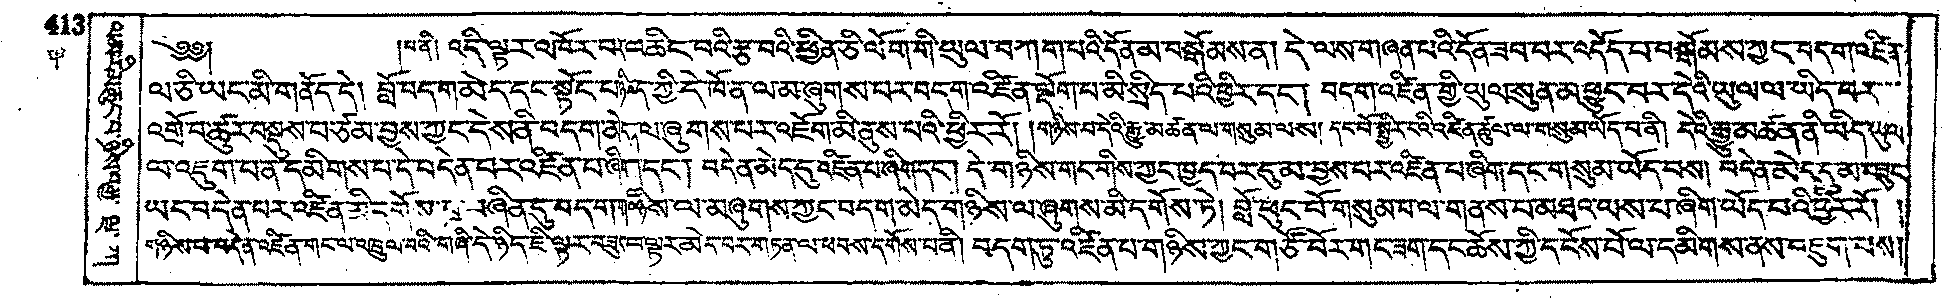༄༅། །པ་ནི། འདི་ལྟར་འཁོར་བར་འཆིང་བའི་རྩ་བའི་ཕྱིན་ཅི་ལོག་གི་ཡུལ་བཀག་པའི་དོན་མ་བསྒོམས་ན། དེ་ལས་གཞན་པའི་དོན་ཟབ་པར་འདོད་པ་བསྒོམས་ཀྱང་བདག་འཛིན་
ལ་ཅི་ཡང་མི་གནོད་དེ། བློ་བདག་མེད་དང་སྟོང་པ་ཉིད་ཀྱི་དེ་ཁོ་ན་ལ་མ་ཞུགས་པར་བདག་འཛིན་ལྡོག་པ་མི་སྲིད་པའི་ཕྱིར་དང་། བདག་འཛིན་གྱི་ཡུལ་སུན་མ་ཕྱུང་བར་དེའི་ཡུལ་ལ་ཡིད་བར་
འགྲོ་བ་ཚུར་བསྡུས་པ་ཙམ་བྱས་ཀྱང་དེས་ནི་བདག་མེད་ལ་ཞུགས་པར་འཇོག་མི་ནུས་པའི་ཕྱིར་རོ། །གཉིས་པ་དེའི་རྒྱུ་མཚན་ལ་གསུམ་ལས། དང་པོ་སྤྱིར་ངའི་འཛིན་ཚུལ་ལ་གསུམ་ཡོད་པ་ནི།  དེའི་རྒྱུ་མཚན་ནི་ཡིད་ཡུལ་
ལ་འཇུག་པ་ན་དམིགས་པ་དེ་བདེན་པར་འཛིན་པ་ཞིག་དང་། བདེན་མེད་དུ་འཛིན་པ་ཞིག་དང་། དེ་གཉིས་གང་གིས་ཀྱང་ཁྱད་བར་དུ་མ་བྱས་པར་འཛིན་པ་ཞིག་དང་གསུམ་ཡོད་པས། བདེན་མེད་དུ་མ་བཟུང་
ཡང་བདེན་པར་འཛིན་མི་དགོས་པ་བཞིན་དུ་བདག་གཉིས་ལ་མ་ཞུགས་ཀྱང་བདག་མེད་གཉིས་ལ་ཞུགས་མི་དགོས་ཏེ། བློ་ཕུང་པོ་གསུམ་པ་ལ་གནས་པ་མཐའ་ཡས་པ་ཞིག་ཡོད་པའི་ཕྱིར་རོ། །
གཉིས་པ་བདེན་འཛིན་གང་ལ་འཁྲུལ་བའི་གཞི་དེ་ཉིད་ཇི་ལྟར་བཟུང་བ་ལྟར་མེད་པར་གཏན་ལ་ཕབས་དགོས་པ་ནི།  བདག་ཏུ་འཛིན་པ་གཉིས་ཀྱང་གཙོ་བོར་གང་ཟག་དང་ཆོས་ཀྱི་དངོས་པོ་ལ་དམིགས་ནས་འཇུག་པས།